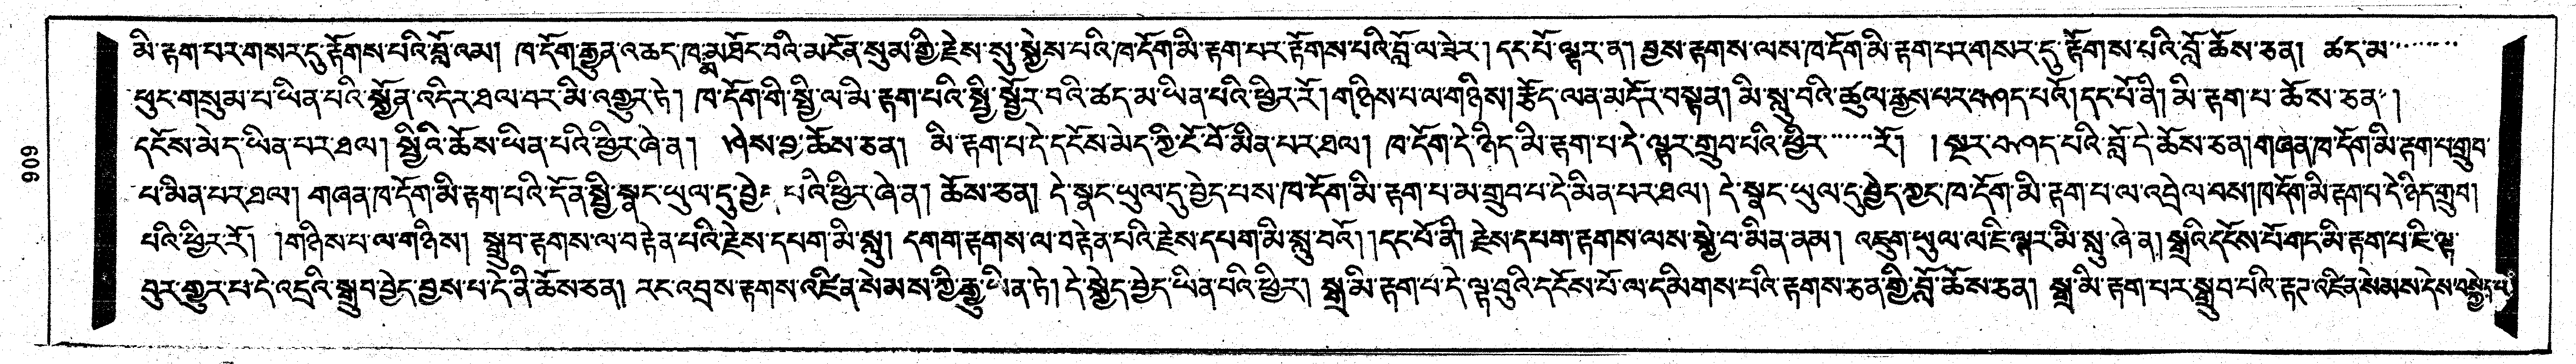མི་རྟག་པར་གསར་དུ་རྟོགས་པའི་བློའམ། ཁ་དོག་རྒྱུན་འཆད་ཁ་མ་མཐོང་བའི་མངོན་སུམ་གྱི་རྗེས་སུ་སྐྱེས་པའི་ཁ་དོག་མི་རྟག་པར་རྟོགས་པའི་བློ་ལ་ཟེར། དང་པོ་ལྟར་ན། བྱས་རྟགས་ལས་ཁ་དོག་མི་རྟག་པར་གསར་དུ་རྟོགས་པའི་བློ་ཆོས་ཅན། ཚད་མ་
ཕུང་གསུམ་པ་ཡིན་པའི་སྐྱོན་འདིར་ཐལ་བར་མི་འགྱུར་ཏེ། ཁ་དོག་གི་སྤྱི་ལ་མི་རྟག་པའི་སྤྱི་སྦྱོར་བའི་ཚད་མ་ཡིན་པའི་ཕྱིར་རོ། གཉིས་པ་ལ་གཉིས། རྩོད་ལན་མདོར་བསྟན། མི་སླུ་བའི་ཚུལ་རྒྱས་པར་བཤད་པའོ། དང་པོ་ནི། མི་རྟག་པ་ཆོས་ཅན།
དངོས་མེད་ཡིན་པར་ཐལ། སྤྱིའི་ཆོས་ཡིན་པའི་ཕྱིར་ཞེ་ན། ཤེས་བྱ་ཆོས་ཅན། མི་རྟག་པ་དེ་དངོས་མེད་ཀྱི་ངོ་བོ་མིན་པར་ཐལ། ཁ་དོག་དེ་ཉིད་མི་རྟག་པ་དེ་ལྟར་གྲུབ་པའི་ཕྱིར་རོ། །སྔར་བཤད་པའི་བློ་དེ་ཆོས་ཅན། གཞན་ཁ་དོག་མི་རྟག་པ་གྲུབ་
པ་མིན་པར་ཐལ། གཞན་ཁ་དོག་མི་རྟག་པའི་དོན་སྤྱི་སྣང་ཡུལ་དུ་བྱེད་པའི་ཕྱིར་ཞེ་ན། ཆོས་ཅན། དེ་སྣང་ཡུལ་དུ་བྱེད་པས་ཁ་དོག་མི་རྟག་པ་མ་གྲུབ་པ་དེ་མིན་པར་ཐལ། དེ་སྣང་ཡུལ་དུ་བྱེད་ཀྱང་ཁ་དོག་མི་རྟག་པ་ལ་འབྲེལ་བས། ཁ་དོག་མི་རྟག་པ་དེ་ཉིད་གྲུབ།
པའི་ཕྱིར་རོ། །གཉིས་པ་ལ་གཉིས། སྒྲུབ་རྟགས་ལ་བརྟེན་པའི་རྗེས་དཔག་མི་སླུ། དགག་རྟགས་ལ་བརྟེན་པའི་རྗེས་དཔག་མི་བསླུ་པའོ། །དང་པོ་ནི། རྗེས་དཔག་རྟགས་ལས་སྐྱེ་བ་མིན་ནམ། འཇུག་ཡུལ་ལ་ཇི་ལྟར་མི་སླུ་ཞེ་ན། སྒྲའི་དངོས་པོ་གང་མི་རྟག་པ་ཇི་ལྟ་
བུར་གྱུར་པ་དེ་འདྲའི་སྒྲུབ་བྱེད་བྱས་པ་དེ་ནི་ཆོས་ཅན། རང་འབྲས་རྟགས་འཛིན་སེམས་ཀྱི་རྒྱུ་ཡིན་ཏེ། དེ་སྐྱེད་བྱེད་ཡིན་པའི་ཕྱིར། སྒྲ་མི་རྟག་པ་དེ་ལྟ་བུའི་དངོས་པོ་ལ་དམིགས་པའི་རྟགས་ཅན་གྱི་བློ་ཆོས་ཅན། སྒྲ་མི་རྟག་པར་སྒྲུབ་པའི་རྟགས་འཛིན་སེམས་དེས་བསྐྱེད་པ་